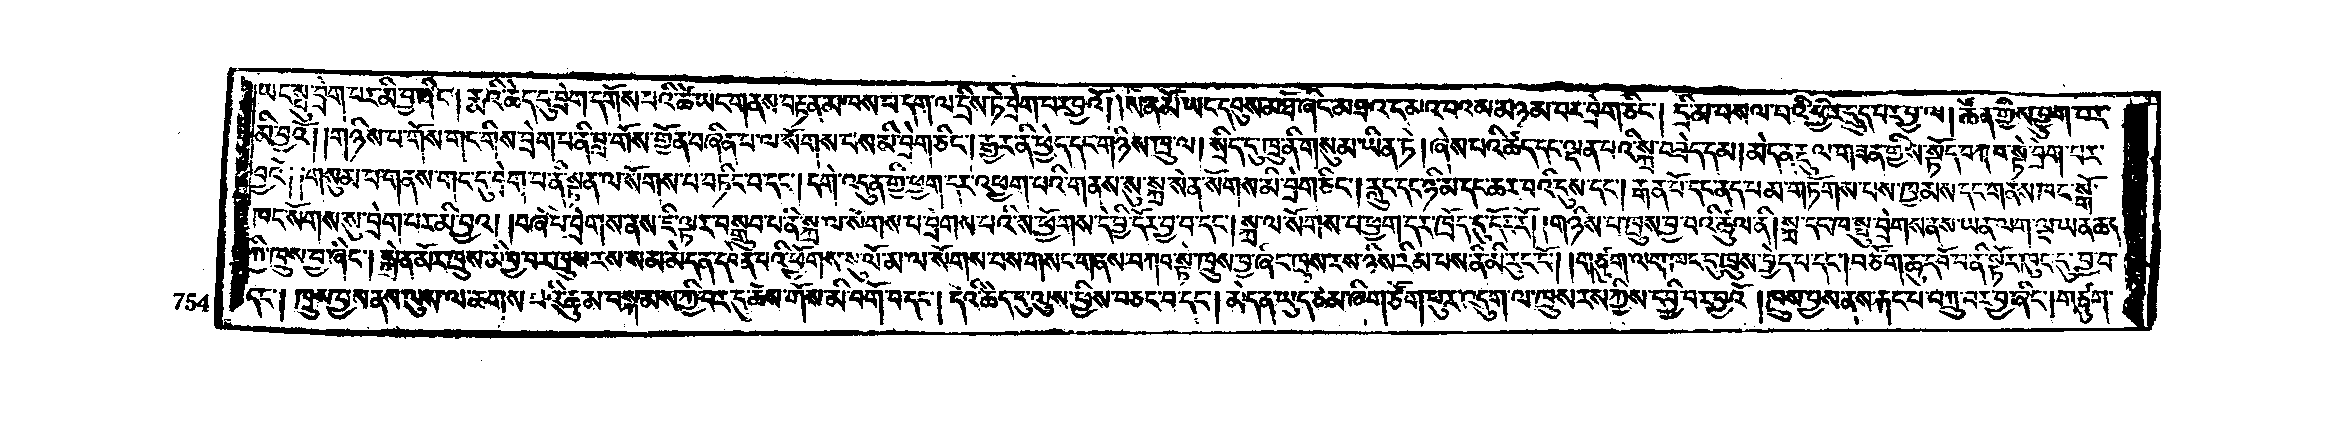ཡང་སྤུ་བྲེག་པར་མི་བྱ་ཞིང་། རྨའི་ཆེད་དུ་བྲེག་དགོས་པའི་ཚེ་ཡང་གནས་བརྟན་མཁས་པ་དག་ལ་དྲིས་ཏེ་བྲེག་པར་བྱའོ། །སེན་?་མོ་ཡང་དབུས་མཐོ་ཞིང་མཐའ་དམའ་བའམ་མཉམ་པར་བྲེག་ཅིང་། དྲི་མ་བསལ་བའི་ཕྱིར་དྲུད་པར་བྱ་ལ། ཚོན་གྱིས་བྱུག་པར་
མི་བྱའོ། །གཉིས་པ་གོས་གང་གིས་བྲེག་པ་ནི་བླ་གོས་གྱོན་བཞིན་པ་ལ་སོགས་པས་མི་བྲེག་ཅིང་། རྒྱར་ནི་ཕྱེད་དང་གཉིས་ཁྲུ་ལ། སྲིད་དུ་ཁྲུ་ནི་གསུམ་ཡིན་ཏེ། ཞེས་པའི་ཚད་དང་ལྡན་པའི་སྐྲ་བཟེད་དམ། མེད་ན་རྡུལ་གཟན་གྱིས་སྟོད་བཀབ་སྟེ་བྲེག་པར་
བྱའོ། །གསུམ་པ་གནས་གང་དུ་བྲེག་པ་ནི་སྟན་ལ་སོགས་པ་བཏིང་བ་དང་། དགེ་འདུན་གྱི་ཕྱག་དར་འཕྱག་པའི་གནས་སུ་སྐྲ་སེན་སོགས་མི་བྲེག་ཅིང་། རླུང་དང་ཉི་མ་དང་ཆར་བའི་དུས་དང་། རྒན་པོ་དང་ནད་པ་མ་གཏོགས་པས་ཁྱམས་དང་གནས་ཁང་སྒོ་
ཁང་སོགས་སུ་བྲེག་པར་མི་བྱའོ། །བཞི་པ་བྲེགས་ནས་ཇི་ལྟར་བསྒྲུབ་པ་ནི་སྐྲ་ལ་སོགས་པ་བྲེགས་པའི་ས་ཕྱོགས་དེ་བྱི་དོར་བྱ་བ་དང་། སྐྲ་ལ་སོགས་པ་ཕྱག་དར་ཁྲོད་དུ་དོར་རོ། །གཉིས་པ་ཁྲུས་བྱ་བའི་ཚུལ་ནི། སྐྲ་དང་ཁ་སྤུ་བྲེགས་ནས་ཡན་ལག་ལྔ་ཡན་ཆད་
ཀྱི་ཁྲུས་བྱ་ཞིང་། སྒྲེན་མོར་ཁྲུས་མི་བྱ་བར་ཁྲུས་རས་སམ་མེད་ན་དབེན་པའི་ཕྱོགས་སུ་ལོ་མ་ལ་སོགས་པས་གསང་གནས་བཀབ་སྟེ་ཁྲུས་བྱ་ཞིང་ཁྲུས་རས་ཉིས་རིམ་པས་ནི་མི་རུང་ངོ། །གཙུག་ལག་ཁང་དུ་ཁྲུས་བྱེད་པ་དང་། བཙོག་ཆུ་དབོ་བ་ནི་སྟོར་ཁུང་དུ་བྱ་བ་
དང་། ཁྲུས་བྱས་ནས་ལུས་ལ་ཆགས་པའི་ཆུ་མ་བསྐམས་ཀྱི་བར་དུ་ཆོས་གོས་མི་བགོ་བ་དང་། དེའི་ཆེད་དུ་ལུས་ཕྱིས་བཅང་བ་དང་། མེད་ན་ཡུད་ཙམ་ཞིག་ཙོག་ཕུར་འདུག་ལ་ཁྲུས་རས་ཀྱིས་དབྱི་བར་བྱའོ། ཁྲུས་བྱས་ནས་རྐང་པ་བཀྲུ་བར་བྱ་ཞིང་། གཙུག་